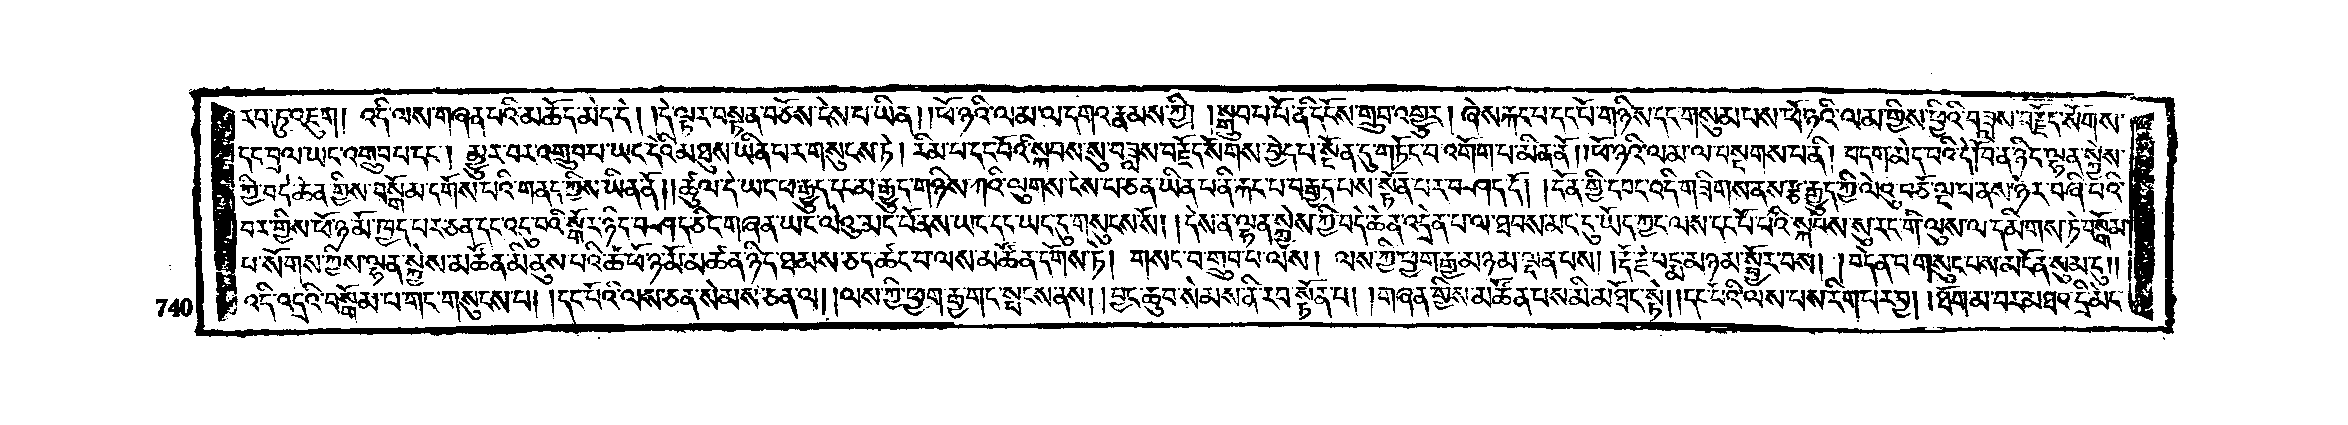རབ་ཏུ་འཇུག། འདི་ལས་གཞན་པའི་མཆོད་མེད་དེ། །དེ་ལྟར་བསྟན་བཅོས་ངེས་པ་ཡིན། །ཕོ་ཉའི་ལམ་ལ་དགའ་རྣམས་ཀྱི། །སྒྲུབ་པ་པོ་ནི་དངོས་གྲུབ་འགྱུར། ཞེས་རྐང་པ་དང་པོ་གཉིས་དང་གསུམ་པས་ཕོ་ཉའི་ལམ་གྱིས་ཕྱིའི་བཟླས་བརྗོད་སོགས་
དང་བྲལ་ཡང་འགྲུབ་པ་དང་། མྱུར་བར་འགྲུབ་པ་ཡང་དེའི་མཐུས་ཡིན་པར་གསུངས་ཏེ། རིམ་པ་དང་པོའི་སྐབས་སུ་བཟླས་བརྗོད་སོགས་བྱེད་པ་སྔོན་དུ་གཏོང་བ་འགོག་པ་མིན་ནོ། །ཕོ་ཉའི་ལམ་ལ་བསྔགས་པ་ནི། བདག་མེད་པའི་དེ་ཁོ་ན་ཉིད་ལྷན་སྐྱེས་
ཀྱི་བདེ་ཆེན་གྱིས་བསྒོམ་དགོས་པའི་གནད་ཀྱིས་ཡིན་ནོ། །ཚུལ་དེ་ཡང་ཕ་རྒྱུད་དང་མ་རྒྱུད་གཉིས་ཀའི་ལུགས་ངེས་པ་ཅན་ཡིན་པ་ནི་རྐང་པ་བརྒྱད་པས་སྟོན་པར་བཤད་དོ། །དོན་གྱི་དབང་འདི་གཟིགས་ནས་རྩ་རྒྱུད་ཀྱི་ལེའུ་བཅོ་ལྔ་པ་ནས་ཉེར་བཞི་པའི་
བར་གྱིས་ཕོ་ཉ་མོ་ཁྱད་པར་ཅན་དང་འདུ་བའི་སྒོར་ཉིད་བཤད་ཅིང་གཞན་ཡང་ལེའུ་མང་པོ་ནས་ཡང་དང་ཡང་དུ་གསུངས་སོ། །དེས་ན་ལྷན་སྐྱེས་ཀྱི་བདེ་ཆེན་འདྲེན་པ་ལ་ཐབས་མང་དུ་ཡོད་ཀྱང་ལས་དང་པོ་པའི་སྐབས་སུ་རང་གི་ལུས་ལ་དམིགས་ཏེ་བསྒོམ་
པ་སོགས་ཀྱིས་ལྷན་སྐྱེས་མཚོན་མི་ནུས་པའི་ཚེ་ཕོ་ཉ་མོ་མཚན་ཉིད་ཐམས་ཅད་ཚང་བ་ལས་མཚོན་དགོས་ཏེ། གསང་བ་གྲུབ་པ་ལས། ལས་ཀྱི་ཕྱག་རྒྱ་མཉམ་ལྡན་པས། །རྡོ་རྗེ་པདམ་མཉམ་སྦྱོར་བས། །བདེན་པ་གསུང་པས་མངོན་སུམ་དུ། །
འདི་འདྲའི་བསྒོམ་པ་གང་གསུངས་པ། །དང་པོའི་ལས་ཅན་སེམས་ཅན་ལ། །ལས་ཀྱི་ཕྱག་རྒྱ་གང་སྤངས་ནས། །བྱང་ཆུབ་སེམས་ནི་རབ་སྟོན་པ། །གཞན་གྱིས་མཚོན་པས་མི་མཐོང་སྟེ། །དང་པོའི་ལས་པས་རིག་པར་བྱ། །ཐོག་མ་བར་མཐའ་དྲི་མེད་